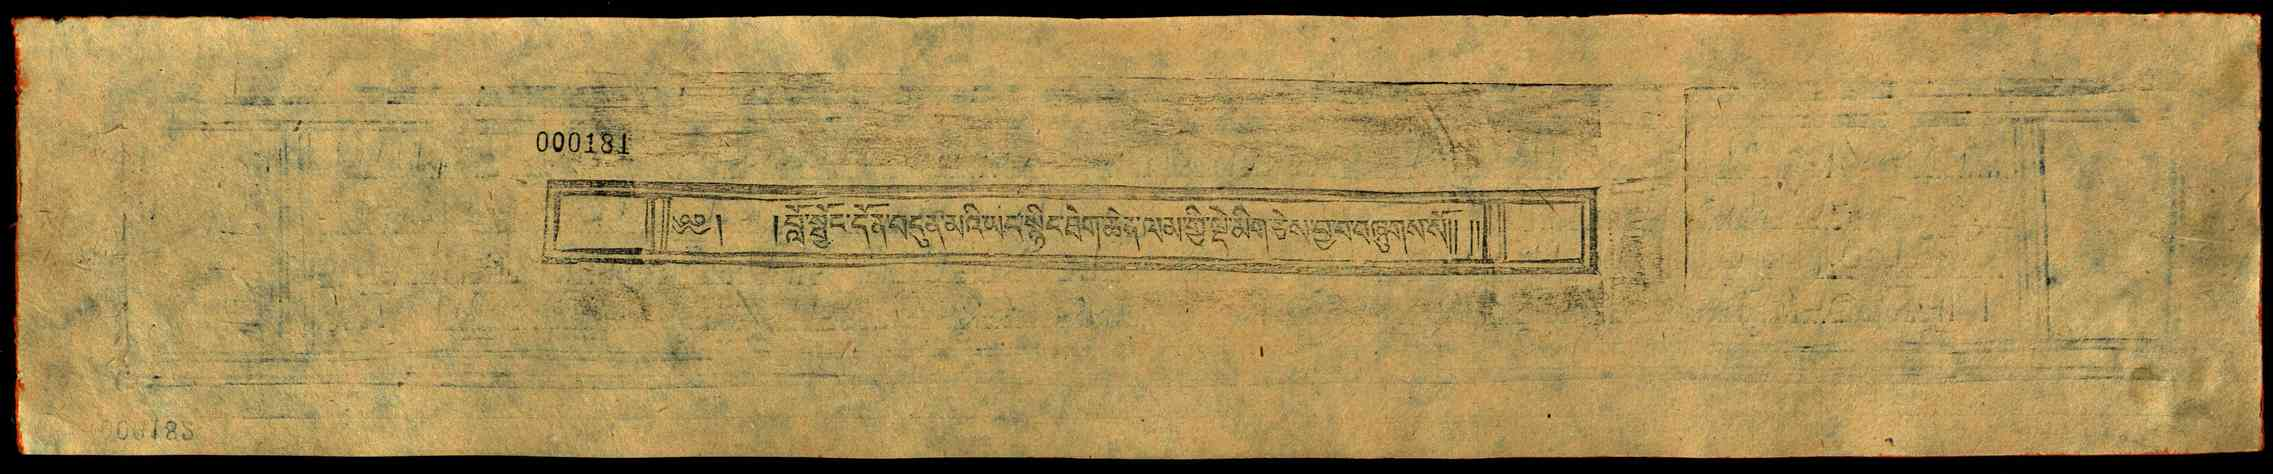༄༅། །བློ་སྦྱོང་དོན་བདུན་མའི་ཡང་སྙིང་ཐེག་ཆེན་ལམ་གྱི་ལྡེ་མིག་ཅེས་བྱ་བ་བཞུགས་སོ།། །།